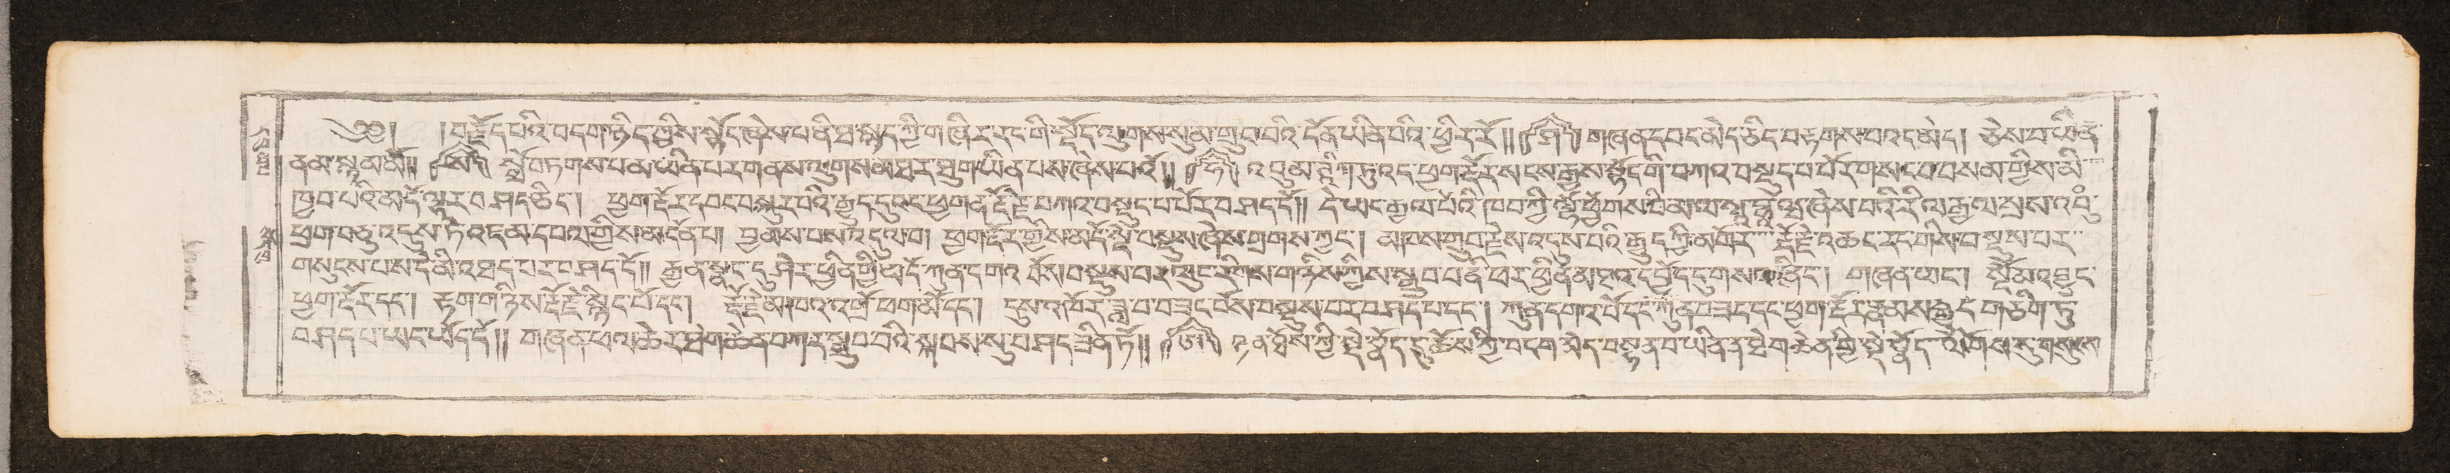༄༅། །བརྗོད་པའི་བདག་ཉིད་ཀྱིས་སྟོང་ཞེས་པ་ནི་ཐ་སྙད་ཀྱི་གཞིར་རང་གི་སྡོད་ལུགས་སུ་མ་གྲུབ་པའི་དོན་ཡིན་པའི་ཕྱིར་རོ།། ༼༽ཤ༼༽ གཞན་དབང་མེད་ཅིང་བརྟགས་པའང་མེད། ཅེས་པ་ཡིན་
ནམ་སྙམ་མོ།། ༼༽ས༼༽ སྒྲོ་བཏགས་པ་མ་ཡིན་པར་གནས་ལུགས་མཐར་ཐུག་ཡིན་པས་ཞེས་པའོ།། ༼༽ཧ༼༽ འབུམ་ཊཱིཀ་ཏུའང་ཕྱག་རྡོར་སངས་རྒྱས་སྟོང་གི་བཀའ་བསྡུད་པ་པོར་གསང་བ་བསམ་གྱིས་མི་
ཁྱབ་པའི་མདོ་ལྟར་བཤད་ཅིང་། ཕྱག་རྡོར་དབང་བསྐུར་བའི་རྒྱུད་དུ་འང་ཕྱག་ན་རྡོ་རྗེ་བཀའ་བསྡུང་པ་པོར་བཤད་དོ།། དེ་ཡང་རྒྱལ་པོའི་ཁབ་ཀྱི་ལྷོ་ཕྱོགས་བིམ་ལ་སྭཱ་བྷཱ་ཝ་ཞེས་པའི་རིལ་རྒྱལ་སྲས་འབུཾ་
ཕྲག་བཅུ་འདུས་ཏེ་འཇམ་དཔལ་གྱིས་མངོན་པ། བྱམས་པས་འདུལ་བ། ཕྱག་རྔོར་གྱིས་མདོ་སྡེ་བསྡུས་ཞེས་གྲགས་ཀྱང་། མཁས་གྲུབ་རྗེས་འདུས་པའི་རྒྱུད་ཀྱི་མགོར་རྡོ་རྗེ་འཆང་རང་གིས་བསྡུས་པར་
གསུངས་པས་དེ་མི་འཐད་པར་བཤད་དོ།། རྒྱན་སྣང་དུ་ཤེར་ཕྱིན་གྱི་མདོ་ཀུན་དགའ་བོས་བསྡུས་པར་ལུང་རིགས་གཉིས་ཀྱིས་སྒྲུབ་པ་ནི་ཕར་ཕྱིན་མཐའ་དཔྱོད་དུ་གསལ་ཞིང་། གཞན་ཡང་། སྡོམ་འབྱུང་
ཕྱག་རྡོར་དང་། རྟག་གཉིས་རྡོ་རྗེ་སྙིང་པོ་དང་། རྡོ་རྗེ་མཁའ་འགྲོ་ཕག་མོ་དང་། དུས་འཁོར་ཟླ་བ་བཟང་པོས་བསྡུས་པར་བཤད་པ་དང་། ཀུན་དགའ་བོ་དང་ཀུན་བཟང་དང་ཕྱག་རྡོར་རྣམས་རྒྱུད་གཅིག་ཏུ་
བཤད་པ་ཡང་ཡོད་དོ།། གཞན་ཕལ་ཆེར་ཐེག་ཆེན་བཀར་སྒྲུབ་པའི་སྐབས་སུ་བཤད་ཟིན་ཏོ།། ༼༽ཨ༼༽ ཉན་ཐོས་ཀྱི་སྡེ་སྣོད་དུ་ཆོས་ཀྱི་བདག་མེད་བསྟན་པ་ཡིན་ན་ཐེག་ཆེན་གྱི་སྡེ་སྣོད་ལོགས་སུ་གསུངས་